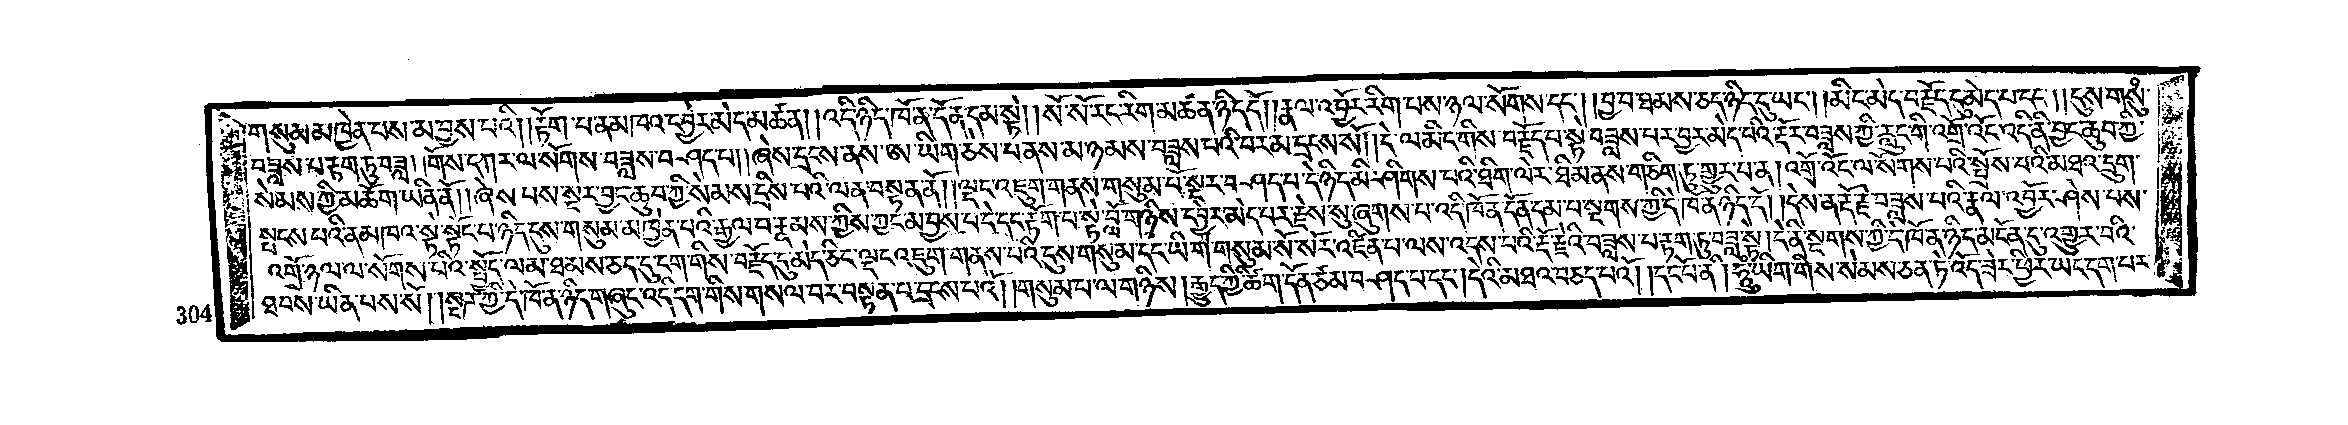གསུམ་མཁྱེན་པས་མ་བྱས་པའི། །རྟོག་པ་ནམ་མཁའ་དབྱེར་མེད་མཚན། །འདི་ཉིད་ཁོ་ན་དོན་དམ་སྟེ། །སོ་སོ་རང་རིག་མཚན་ཉིད་དོ། །རྣལ་འབྱོར་རིག་པས་ཉལ་སོགས་དང་། །བྱ་བ་ཐམས་ཅད་ཉིད་དུ་ཡང་། །མིང་མེད་བརྗོད་དུ་མེད་པ་དང་། །དུས་གསུམ་
བཟླས་པ་རྟག་ཏུ་བཟླ། །གོས་དཀར་ལ་སོགས་བཟླས་བཤད་པ། །ཞེས་དྲངས་ནས་ཨ་ཡིག་ཅེས་པ་ནས་མ་ཉམས་བཟླས་པའི་བར་མ་དྲངས་སོ། །དེ་ལ་མིང་གིས་བརྗོད་པ་སྟེ་བཟླས་པར་བྱར་མེད་པའི་རྡོར་བཟླས་ཀྱི་རླུང་གི་འགྲོ་འོང་འདི་ནི་བྱང་ཆུབ་ཀྱི་
སེམས་ཀྱི་མཆོག་ཡིན་ནོ། །ཞེས་པས་སྔར་བྱང་ཆུབ་ཀྱི་སེམས་དྲིས་པའི་ལན་བསྟན་ནོ། །ལྡང་འཇུག་གནས་གསུམ་པོ་སྔར་བཤད་པ་དེ་ཉིད་མི་ཤིགས་པའི་ཐིག་ལེར་ཐིམ་ནས་གཅིག་ཏུ་གྱུར་པ་ན། འགྲོ་འོང་ལ་སོགས་པའི་སྤྲོས་པའི་མཐའ་དྲུག་
སྤངས་པའི་ནམ་མཁའ་སྟེ་སྟོང་པ་ཉིད་དུས་གསུམ་མཁྱེན་པའི་རྒྱལ་བ་རྣམས་ཀྱིས་ཀྱང་མ་བྱས་པ་དེ་དང་རྟོག་པ་སྟེ་བློ་གཉིས་དབྱེར་མེད་པར་རྗེས་སུ་ཞུགས་པ་འདི་ཁོ་ན་དོན་དམ་པ་སྔགས་ཀྱི་དེ་ཁོ་ན་ཉིད་དོ། །དེས་ན་རྡོ་རྗེ་བཟླས་པའི་རྣལ་འབྱོར་ཤེས་པས་
འགྲོ་ཉལ་ལ་སོགས་པའི་སྤྱོད་ལམ་ཐམས་ཅད་དུ་ངག་གིས་བརྗོད་དུ་མེད་ཅིང་ལྡང་འཇུག་གནས་པའི་དུས་གསུམ་དང་ཡི་གེ་གསུམ་སོ་སོར་འཛིན་པ་ལས་འདས་པའི་རྡོ་རྗེའི་བཟླས་པ་རྟག་ཏུ་བཟླ་སྟེ། དེ་ནི་སྔགས་ཀྱི་དེ་ཁོ་ན་ཉིད་མངོན་དུ་འགྱུར་བའི་
ཐབས་ཡིན་པས་སོ། །སྔགས་ཀྱི་དེ་ཁོ་ན་ཉིད་གཞུང་འདི་དག་གིས་གསལ་བར་བསྟན་པ་དྲངས་པའོ། །གསུམ་པ་ལ་གཉིས། རྒྱུད་ཀྱི་ཚིག་དོན་ཙམ་བཤད་པ་དང་། དེའི་མཐའ་བཅད་པའོ། །དང་པོ་ནི། ཧཱུཾ་ཡིག་གིས་སེམས་ཅན་ཏེ་འོད་ཟེར་ཕྱིར་ཡང་དག་པར་